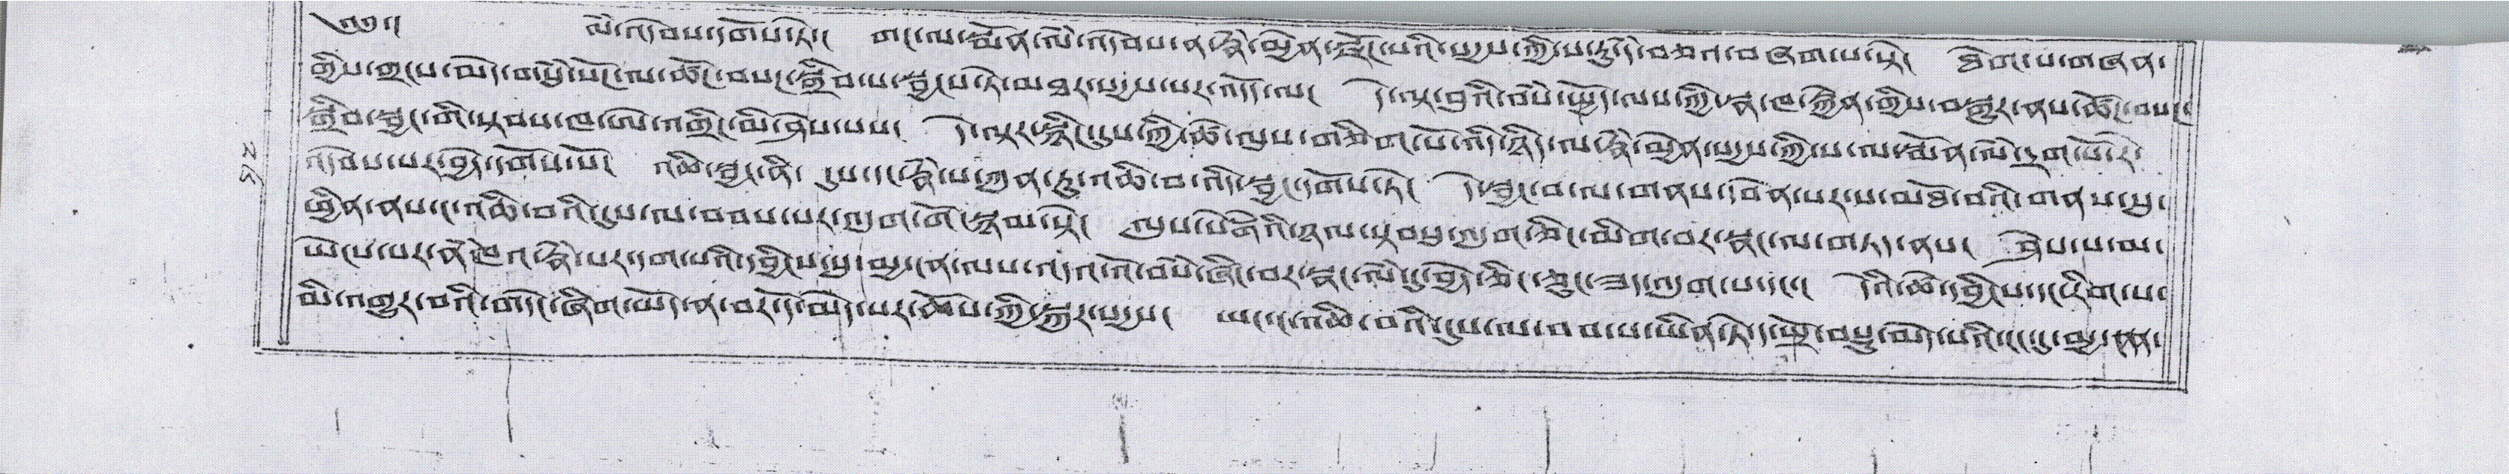ལམ་འདེབས་དགོས་ཏེ། གང་ལ་སྨོན་ལམ་འདེབས་ན་རྣམ་མཁྱེན་རྫོགས་པའི་སངས་རྒྱས་ཀྱི་ས་རུ་དམ་བཅའ་བཞག་སྟེ། ཐེག་པ་གཞན་
གྱིས་གྲངས་མེད་གསུམ་སོགས་ལ་ཚོགས་བསགས་སྒྲིབ་པ་སྦྱངས་ཏེ་མཐར་སངས་རྒྱས་པར་འདོད་ལ། དེ་ལྟ་བུའི་བསམ་སྤྱོད་ལས་ཀྱི་སྣ་ཁ་རྐྱེན་གྱིས་བསྒྱུར་ནས་ཚོགས་བསགས་
སྒྲིབ་སྦྱོང་གི་སྟབས་ཁ་ཨེ་འགྲིག་མི་ཤེས་པས། དེ་ལྟར་སྙིགས་དུས་ཀྱི་ཚེ་ལུས་གཅིག་པོ་འདི་ཉིད་ལ་རྣམ་མཁྱེན་སངས་རྒྱས་ཀྱི་ས་ལ་སྨོན་ལམ་དྲག་པོ་རེ་
འདེབས་པར་བྱེད་དགོས་སོ། འཆི་སྦྱང་ནི། དུས་དང་རྣམ་པ་ཀུན་ཏུ་འཆི་བ་འདི་སྦྱང་དགོས་ཏེ། དེ་སྦྱང་བ་ལ་གནས་དབེན་པར་ས་མཐོ་བའི་གནས་སུ་
ཕྱིན་ནས་ང་འཆི་བའི་དུས་ལ་བབ་པར་འདུག་གོ་སྙམ་སྟེ། ལུས་སེང་གེའི་ཉལ་སྟབས་སུ་འདུག་ཅིང་མིག་བར་སྣང་ལ་གཏད་ནས། ཤེས་པ་མ་
ཡེངས་པར་ནམ་མཁའ་རྣམ་པར་དག་པའི་དབྱིངས་སུ་མྱ་ངན་ལས་འདའ་འོ་བསམ་ཞིང་བར་སྣང་ལམ་དུ་བྱེད་ཅིང་ཅུང་ཟད་འདུག་པ་དང་། དེའི་ཚེ་དབྱིངས་དང་རིག་པ་
མི་འགྱུར་བའི་གདེང་ཞིག་ཡོད་ན་བར་དོ་མེད་པར་ཆོས་སྐུར་སངས་རྒྱས། ཡང་ང་འཆི་བའི་དུས་ལ་བབ་པ་ཡིན་ཏེ། ད་སྤྲོ་བསྡུ་མེད་པའི་ངང་དུ་མྱ་ངན་ལས་